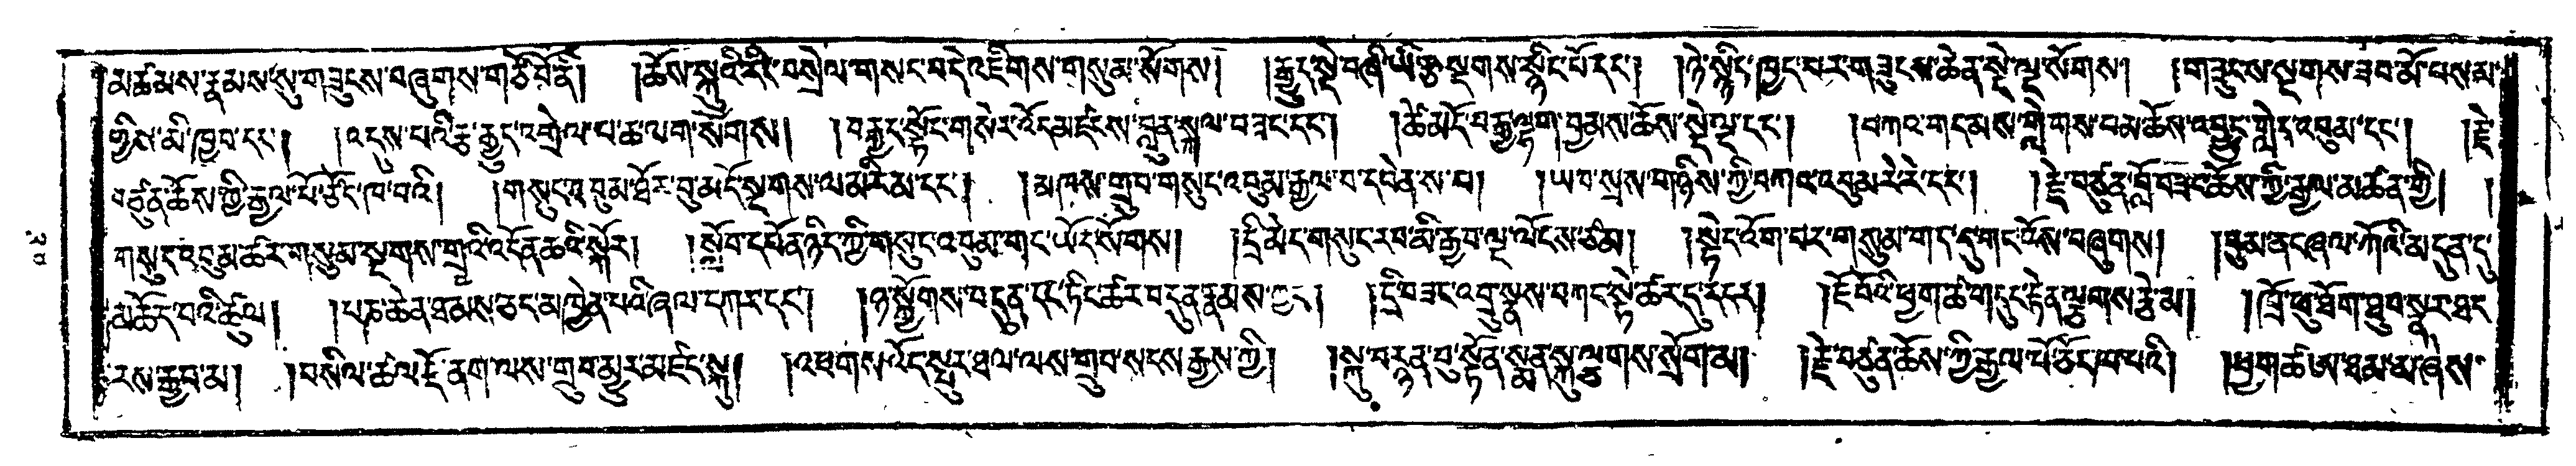མཚམས་རྣམས་སུ་གཟུངས་བཞུགས་གཙོ་བོ་ནི། །ཆོས་སྐུའི་རིང་བསྲེལ་གསང་བདེ་འཇིགས་གསུམ་སོགས། །རྒྱུད་སྡེ་བཞི་ཡི་རྩ་སྔགས་སྙིང་པོ་དང་། །ཉེ་སྙིང་ཁྱད་པར་གཟུངས་ཆེན་སྡེ་ལྔ་སོགས། །གཟུངས་སྔགས་ཟབ་མོ་བསམ་
གྱིས་མི་ཁྱབ་དང་། །འདུས་པའི་རྩ་རྒྱུད་འགྲེལ་པ་ཆ་ལག་སོགས། །བརྒྱང་སྟོང་གསེར་འོད་མཛད་བླུན་སྐལ་བཟང་དང་། །ཚེ་མདོ་བརྒྱ་ལྷག་བྱམས་ཆོས་སྡེ་ལྔ་དང་། །བཀའ་གདམས་གླེགས་བམ་ཆོས་འབྱུང་གླེང་འབུམ་དང་། །རྗེ་
བཙུན་ཆོས་ཀྱི་རྒྱལ་པོ་ཙོང་ཁ་བའི། །གསུང་འབུམ་ཐོར་བུ་མདོ་སྔགས་ལམ་རིམ་དང་། །མཁས་གྲུབ་གསུང་འབུམ་རྒྱལ་བ་དབེན་ས་བ། །ཡབ་སྲས་གཉིས་ཀྱི་བཀའ་འབུམ་རེ་རེ་དང་། །རྗེ་བཙུན་བློ་བཟང་ཆོས་ཀྱི་རྒྱལ་མཚན་གྱི། །
གསུང་འབུམ་ཚར་གསུམ་སྔགས་གྲྭའི་འདོན་ཆའི་སྐོར། །སློབ་དཔོན་ཉིད་ཀྱི་གསུང་འབུམ་གང་ཡོད་སོགས། །དྲི་མེད་གསུང་རབ་མི་རྒྱབ་ལྔ་ལོངས་ཙམ། །སྟེང་འོག་བར་གསུམ་གང་དུ་གང་འོས་བཞུགས། །བུམ་ནང་ཞལ་ཀོའི་མདུན་དུ་
མཆོད་བའི་ཚུལ། །པཎ་ཆེན་ཐམས་ཅད་མཁྱེན་པའི་ཞལ་དཀར་དང་། །ཉ་སྐྱོགས་བདུན་དང་ཏིང་ཚར་བདུན་རྣམས་ཀྱང་། །དྲི་བཟང་འབྲུ་སྣས་བཀང་སྟེ་ཚར་དུ་དངར། །ཇོ་བོའི་ཕྱག་ཚ་གདུང་རྟེན་ལྕགས་རྩེ་མ། །ཁྲོ་ཕུ་ཐོག་ཐུབ་སྣར་ཐང་
རས་རྒྱབ་མ། །བསིལ་ཚལ་རྡོ་ནག་ལས་གྲུབ་མྱུར་མཛད་སྐུ། །འཕགས་འོད་སྤུར་ཐལ་ལས་གྲུབ་སངས་རྒྱས་ཀྱི། །སྐུ་བརྙན་བུ་སྟོན་སྨན་སྐུ་ལྕགས་སྲོག་མ། །རྗེ་བཙུན་ཆོས་ཀྱི་རྒྱལ་པོ་ཙོང་ཁ་པའི། །ཕྱག་ཚ་ཨ་ཐམ་མ་ཞེས་